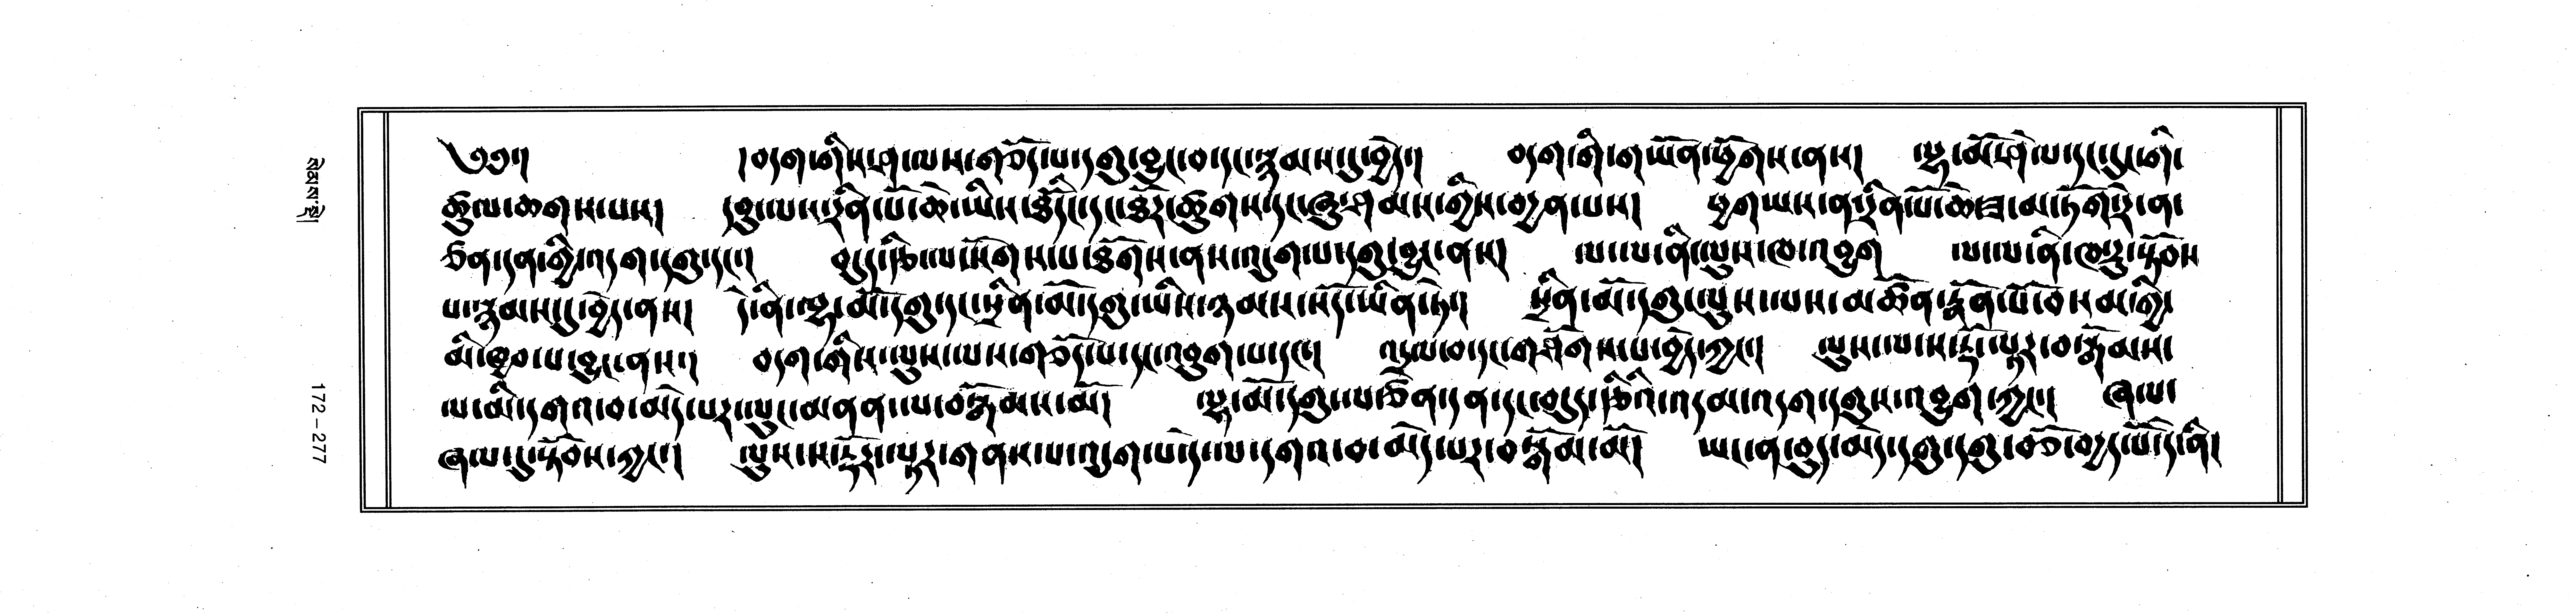བདག་གིས་ཤ་ལས་གཅོད་པ་དགུ་བྱུང་བ་དང་སྙམས་དུ་བྱེད། བདག་གི་གཡོན་ཕྱོགས་ནས། ལྷ་མོ་ཤེལ་དང་དུང་གི་
ཚུལ་ཆགས་པས། དབུ་ལས་རིན་པོ་ཆེན་ཡིས་ཐོད་ལྡིང་དང་ཐོར་ཚུགས་དང་ཞུ་ཤམས་གྱིས་བརྒྱན་པས། ཕྱག་གཡས་ན་རིན་པོ་ཆེ་ཟ་མ་ཏོག་རེ་ན་
ཙན་དན་གྱི་འདག་དགུ་དང་། བདུད་རྩི་ལ་སོགས་པ་ཐོགས་ནས་འདུག་པ་དགུ་བྱུང་ནས། ལ་ལ་ནི་ལུས་ཁ་འབྱུག ལ་ལ་ནི་ཁ་རུ་སྟོབས་
པ་སྙོམས་དུ་བྱེད་ནས། དེ་ནི་ལྷ་མོ་དགུ་དང་སྲིན་མོ་དགུ་ཡིས་ཉམས་སོད་ཡིན་ཏེ། སྲིན་མོ་དགུ་ལུས་ལས་མཚོན་རྣོན་པོ་བསམ་གྱི་
མི་ཁྱབ་པ་བྱུང་ནས། བདག་གིས་ལུས་ལས་གཅོད་པ་དང་འབུག་པ་དང་། འདྲལ་བ་དང་གཤོགས་པ་བྱེད་ཀྱང་། ལུས་ལ་ས་རྡོ་ལྟར་བསྒོམས་
ལ་མི་དགའ་བ་མེད་པར་ལུང་མནན་ལ་བསྒོམས་མོ། ལྷ་མོ་དགུ་ལ་ཙན་དན་དང་བདུད་རྩིའི་འདམ་འདག་དགུས་འབྱུག་ཀྱང་། ཞལ་
དུ་སྟོབས་ཀྱང་། ལུས་ས་རྡོར་ལྟར་གནས་པ་འདུག་པ་དེ་ལ་དགའ་བ་མེད་པར་བསྒོམ་མོ། ཡང་ན་བུད་མེད་དགུ་དགུ་བཅོ་བརྒྱད་པོ་དེ་ནི།